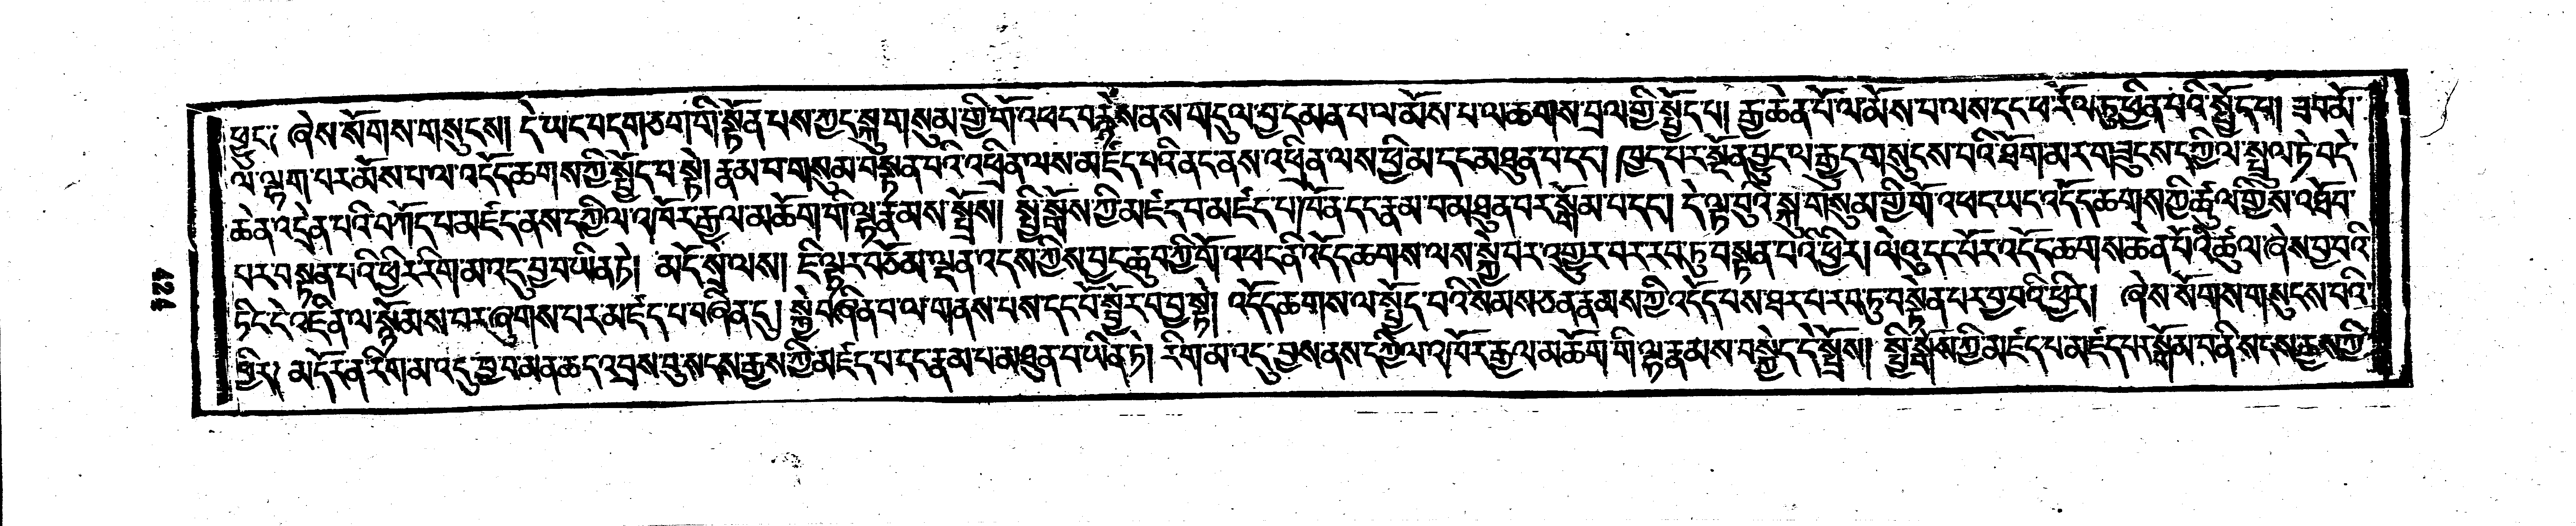ཕྱུང༑ ཞེས་སོགས་གསུངས། དེ་ཡང་བདག་ཅག་གི་སྟོན་པས་ཀྱང་སྐུ་གསུམ་གྱི་གོ་འཕང་བརྙེས་ནས་གདུལ་བྱ་དམན་པ་ལ་མོས་པ་ལ་ཆགས་བྲལ་གྱི་སྤྱོད་པ། རྒྱ་ཆེན་པོ་ལ་མོས་པ་ལས་དང་ཕ་རོལ་ཏུ་ཕྱིན་པའི་སྤྱོད་པ། ཟབ་མོ་
ལ་ལྷག་པར་མོས་པ་ལ་འདོད་ཆགས་ཀྱི་སྤྱོད་པ་སྟེ། རྣམ་པ་གསུམ་བསྟན་པའི་འཕྲིན་ལས་མཛད་པའི་ནང་ནས་འཕྲིན་ལས་ཕྱི་མ་དང་མཐུན་པ་དང་། ཁྱད་པར་སྔོན་བྱུང་ལ་རྒྱུད་གསུངས་པའི་ཐོག་མར་གཟུངས་དཀྱིལ་སྤྲུལ་ཏེ་བདེ་
ཆེན་འདྲེན་པའི་བཀོད་པ་མཛད་ནས་དཀྱིལ་འཁོར་རྒྱལ་མཆོག་གི་ལྷ་རྣམས་སྤྲོས། སྤྱི་སྒོས་ཀྱི་མཛད་པ་མཛད་པ་ཁོ་ན་དང་རྣམ་པ་མཐུན་པར་སྒོམ་པ་དང་། དེ་ལྟ་བུའི་སྐུ་གསུམ་གྱི་གོ་འཕང་ཡང་འདོད་ཆགས་ཀྱི་ཚུལ་གྱིས་འཐོབ་
པར་བསྟན་པའི་ཕྱིར་རིག་མ་འདུ་བྱ་བ་ཡིན་ཏེ། མདོ་སྲེ་ལས། ཇི་ལྟར་བཅོམ་ལྡན་འདས་ཀྱིས་བྱང་ཆུབ་ཀྱི་གོ་འཕང་ནི་འདོད་ཆགས་ལས་སྐྱེ་བར་འགྱུར་བར་རབ་ཏུ་བསྟན་པའི་ཕྱིར། ལེའུ་དང་པོར་འདོད་ཆགས་ཆེན་པོའི་ཚུལ་ཞེས་བྱ་བའི་
ཏིང་ངེ་འཛིན་ལ་སྙོམས་པར་ཞུགས་པར་མཛད་པ་བཞིན་དུ། སྐྱེ་བཞིན་པ་ལ་གནས་པས་དང་པོ་སྦྱོར་བ་བྱ་སྟེ། འདོད་ཆགས་ལ་སྤྱོད་པའི་སེམས་ཅན་རྣམས་ཀྱི་འདོད་པས་ཐར་བ་རབ་ཏུ་བསྟེན་པར་བྱ་བའི་ཕྱིར། ཞེས་སོགས་གསུངས་པའི་
ཕྱིར༑ མདོར་ན་རིག་མ་འདུ་བྱ་བ་མན་ཆད་འབྲས་བུ་སངས་རྒྱས་ཀྱི་མཛད་པ་དང་རྣམ་པ་མཐུན་པ་ཡིན་ཏེ། རིག་མ་འདུ་བྱས་ནས་དཀྱིལ་འཁོར་རྒྱལ་མཆོག་གི་ལྷ་རྣམས་བསྐྱེད་དེ་སྤྲོས། སྤྱི་སྒོས་ཀྱི་མཛད་པ་མཛད་པར་སྒོམ་པ་ནི་སངས་རྒྱས་ཀྱི་